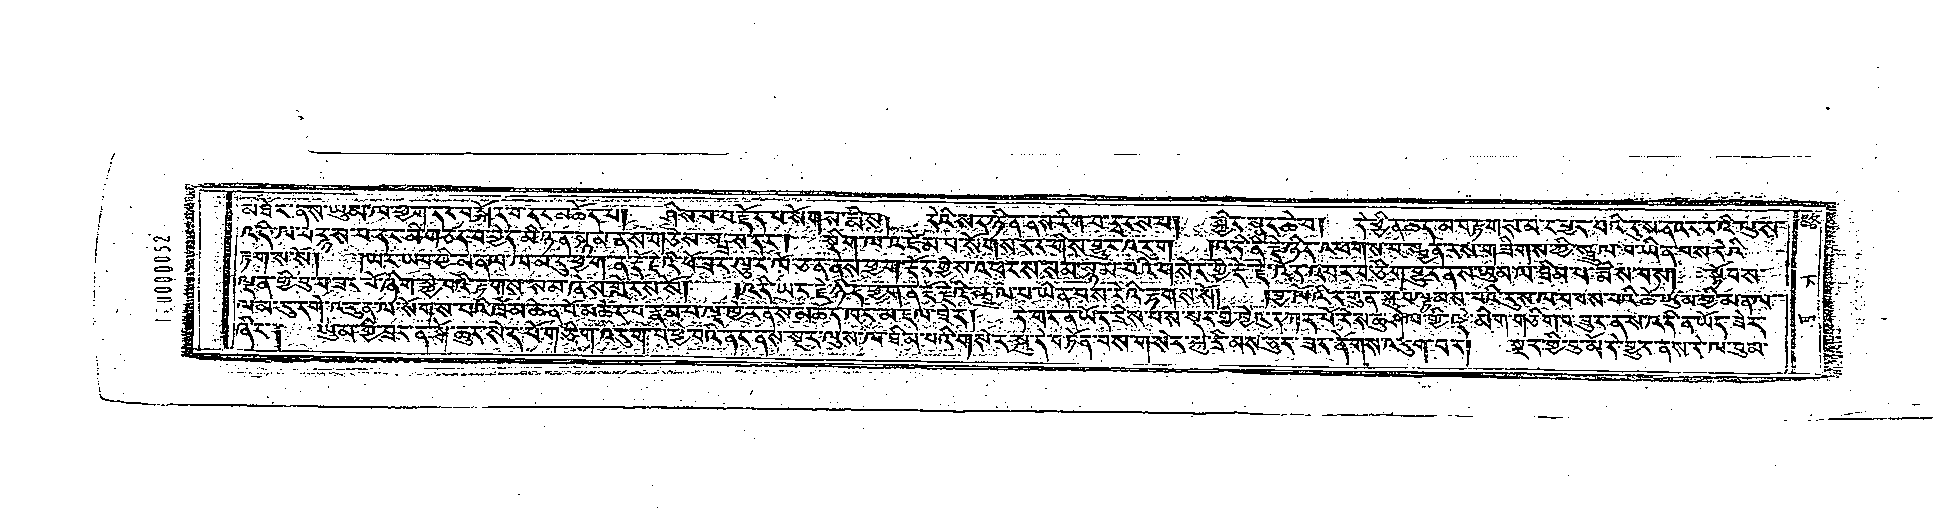མཐོང་ནས་ཡུམ་ལ་ཕྱག་དང་བསྐོར་བ་དང་མཆོད་པ། ཤིས་བ་བརྗོད་པ་སོགས་རྨིས། དེའི་སང་ཉིན་ནས་རིག་པ་དྭངས་པ། སྐྱིད་སྣང་ཆེ་བ། དེ་ཕྱིན་ཆད་མ་བརྟགས་མ་དཔྱད་པའི་དུས་ནའང་དའི་ལུས་
འདི་ལ་བརྙས་པ་དང་མི་གཙང་བ་བྱེད་མི་ཉན་སྙམ་ནས་གཅེས་སྤྲས་དང་། སྡིག་ལ་འཛེམ་པ་སོགས་དང་གིས་བྱུང་འདུག །འདི་ནི་རྗེ་ཉིད་འཕག་པ་སྤྱན་རས་གཟིགས་ཀྱི་སྤྲུལ་བ་ཡིན་བས་དེའི་
རྟགས་སོ། །ཡང་ཡབ་ཀྱི་མནལ་ལམ་དུ་ཕྱག་ན་རྡོ་རྗེའི་ཕོ་ཟང་ལྕང་ལོ་ཅན་ནས་ཕྱག་རྡོར་གྱིས་འཕངས་སམ་སྙམ་པའི་གསེར་གྱི་རྡོ་རྗེ་འོད་འབར་བ་ཅིག་བྱུང་ནས་ཡུམ་ལ་ཐིམ་པ་རྨིས་པས། སྟོབས་
ལྡན་གྱི་བུ་བཟང་པོ་ཞིག་སྐྱེ་བའི་རྟགས་སམ་ཞེས་གླེངས་སོ། །འདི་ཡང་རྗེ་ཉིད་ཕྱག་ན་རྡོ་རྗེའི་སྤྲུལ་པ་ཡིན་པས་དེའི་རྟགས་སོ། །བྱ་ལོའི་དགུན་སྐུ་བལྟམས་པའི་དུས་ལ་བབས་པའི་ཚེ་ཡུམ་གྱི་མན་ལ་
ལམ་དུ་དགེ་འདུན་ལ་སོགས་པའི་ཁྲོམ་ཆེན་པོ་མཆོད་པ་རྣམ་པ་ལྔ་ཁྱེར་ནས་མཆོད་ཁང་མཇལ་ཟེར། དེ་གང་ན་ཡོད་དྲིས་པས་སྡར་གྱི་ཁྱེའུ་དཀར་པོ་དེས་ཆུ་ཤེལ་གྱི་ལྡེ་མིག་གཅིག་བཟུང་ནས་འདི་ན་ཡོད་ཟེར་
ཞིང་། ཡུམ་གྱི་བྲང་ན་སྒོ་ཆུང་སེར་པོ་གཅིག་འདུག་པ་ཕྱེ་བའི་ནང་ནས་སྔར་ལུས་ལ་ཐིམ་པའི་གསེར་སྐུ་དེ་བཏོན་པས་གསེར་སྐུ་དྲི་མས་ཅུང་ཟད་ནོགས་འདུག་བར། སྔར་གྱི་བུ་མོ་དེ་བྱུང་ནས་དེ་ལ་བུམ་